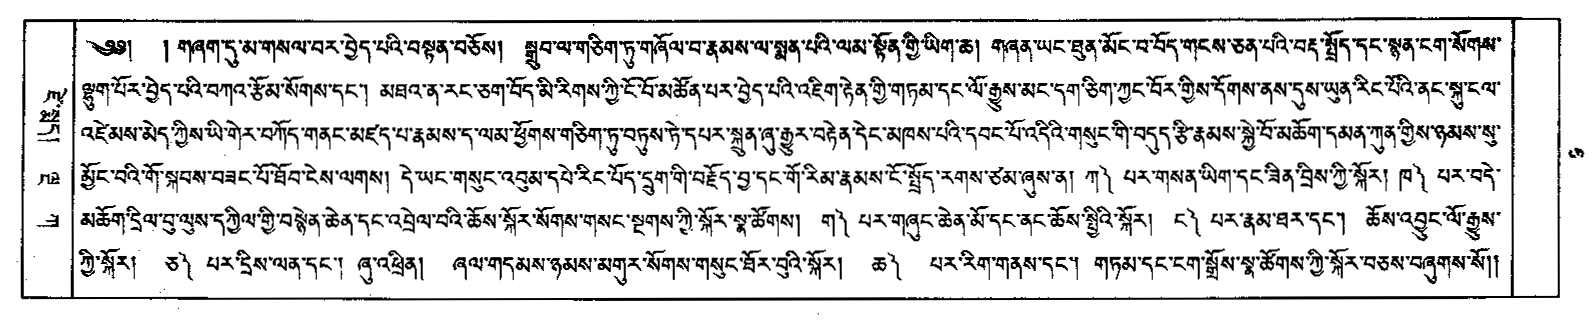༄༅། །གཞག་དུ་མ་གསལ་བར་བྱེད་པའི་བསྟན་བཅོས། སྒྲུབ་ལ་གཅིག་ཏུ་གཞོལ་བ་རྣམས་ལ་སྨན་པའི་ལམ་སྟོན་གྱི་ཡིག་ཆ། གཞན་ཡང་ཐུན་མོང་བ་བོད་གངས་ཅན་པའི་བརྡ་སྤྲོད་དང་སྙན་ངག་སོགས་
ལྷུག་པོར་བྱེད་པའི་བཀའ་རྩོམ་སོགས་དང་། མཐའ་ན་རང་ཅག་བོད་མི་རིགས་ཀྱི་ངོ་བོ་མཚོན་པར་བྱེད་པའི་འཇིག་རྟེན་གྱི་གཏམ་དང་ལོ་རྒྱུས་མང་དག་ཅིག་ཀྱང་བོར་གྱིས་དོགས་ནས་དུས་ཡུན་རིང་པོའི་ནང་སྐུ་ངལ་
འཛེམས་མེད་ཀྱིས་ཡི་གེར་བཀོད་གནང་མཛད་པ་རྣམས་ད་ལམ་ཕྱོགས་གཅིག་ཏུ་བཏུས་ཏེ་དཔར་སྐྲུན་ཞུ་རྒྱུར་བརྟེན་དེང་མཁས་པའི་དབང་པོ་འདིའི་གསུང་གི་བདུད་རྩི་རྣམས་སྐྱེ་བོ་མཆོག་དམན་ཀུན་གྱིས་ཉམས་སུ་
མྱོང་བའི་གོ་སྐབས་བཟང་པོ་ཐོབ་ངེས་ལགས། དེ་ཡང་གསུང་འབུམ་དཔེ་རིང་པོད་དྲུག་གི་བརྗོད་བྱ་དང་གོ་རིམ་རྣམས་ངོ་སྤྲོད་རགས་ཙམ་ཞུས་ན། ཀ༼་པར་གསན་ཡིག་དང་ཟིན་བྲིས་ཀྱི་སྐོར། ཁ༽ པར་བདེ་
མཆོག་དྲིལ་བུ་ལུས་དཀྱིལ་གྱི་བསྙེན་ཆེན་དང་འབྲེལ་བའི་ཆོས་སྐོར་སོགས་གསང་སྔགས་ཀྱི་སྐོར་སྣ་ཚོགས། ག༼་པར་གཞུང་ཆེན་མོ་དང་ནང་ཆོས་སྤྱིའི་སྐོར། ང༽ པར་རྣམ་ཐར་དང་། ཆོས་འབྱུང་ལོ་རྒྱུས་
ཀྱི་སྐོར། ཅ༼་པར་དྲིས་ལན་དང་། ཞུ་འཕྲིན། ཞལ་གདམས་ཉམས་མགུར་སོགས་གསུང་ཐོར་བུའི་སྐོར། ཆ༽ པར་རིག་གནས་དང་། གཏམ་དང་ངག་སྒྲོས་སྣ་ཚོགས་ཀྱི་སྐོར་བཅས་བཞུགས་སོ།།